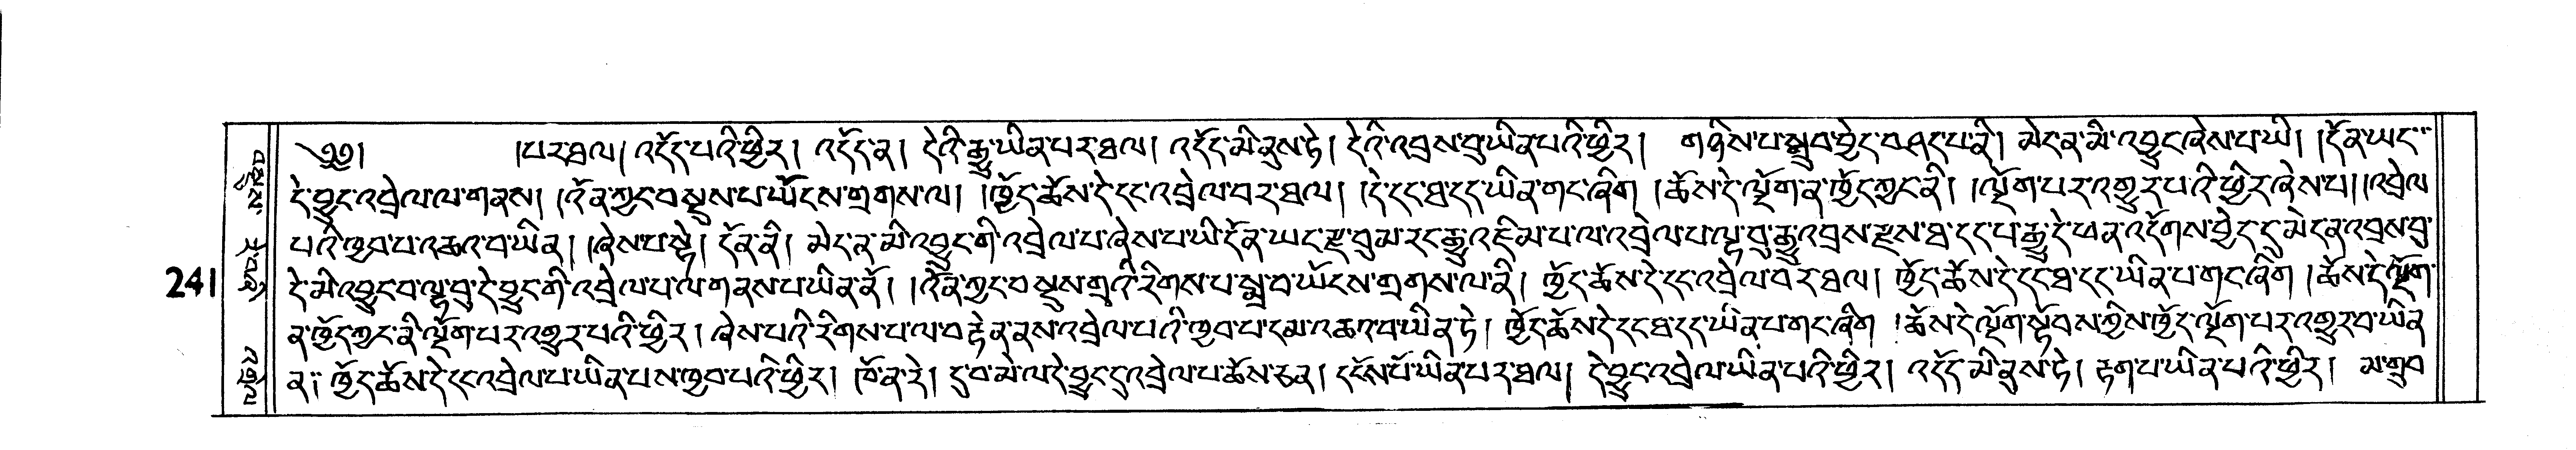༄༅། །པར་ཐལ། འདོད་པའི་ཕྱིར། འདོད་ན། དེའི་རྒྱུ་ཡིན་པར་ཐལ། འདོད་མི་ནུས་ཏེ། དེའི་འབྲས་བུ་ཡིན་པའི་ཕྱིར། གཉིས་པ་སྒྲུབ་བྱེད་བཤད་པ་ནི། མེད་ན་མི་འབྱུང་ཞེས་པ་ཡི། །དོན་ཡང་
དེ་བྱུང་འབྲེལ་ལ་གནས། །འོན་ཀྱང་བསྡུས་པ་ཡོངས་གྲགས་ལ། །ཁྱོད་ཆོས་དེ་དང་འབྲེལ་བར་ཐལ། །དེ་དང་ཐ་དད་ཡིན་གང་ཞིག །ཆོས་དེ་ལྡོག་ན་ཁྱོད་ཀྱང་ནི། །ལྡོག་པར་འགྱུར་པའི་ཕྱིར་ཞེས་པ། །འབྲེལ་
པའི་ཁྱབ་པ་འཆའ་བ་ཡིན། །ཞེས་པ་སྟེ། དོན་ནི། མེད་ན་མི་འབྱུང་གི་འབྲེལ་པ་ཞེས་པ་ཡི་དོན་ཡང་རྫ་བུམ་རང་རྒྱུ་འཇིམ་པ་ལ་འབྲེལ་པ་ལྟ་བུ་རྒྱུ་འབྲས་རྫས་ཐ་དད་པ་རྒྱུ་དེ་ཕན་འདོགས་བྱེད་དུ་མེད་ན་འབྲས་བུ་
དེ་མི་འབྱུང་བ་ལྟ་བུ་དེ་བྱུང་གི་འབྲེལ་པ་ལ་གནས་པ་ཡིན་ནོ། །འོན་ཀྱང་བསྡུས་གྲྭའི་རིགས་པ་སྨྲ་བ་ཡོངས་གྲགས་ལ་ནི། ཁྱོད་ཆོས་དེ་དང་འབྲེལ་བར་ཐལ། ཁྱོད་ཆོས་དེ་དང་ཐ་དད་ཡིན་པ་གང་ཞིག །ཆོས་དེ་ལྡོག་
ན་ཁྱོད་ཀྱང་ནི་ལྡོག་པར་འགྱུར་པའི་ཕྱིར། ཞེས་པའི་རིགས་པ་ལ་བརྟེན་ནས་འབྲེལ་པའི་ཁྱབ་པ་དམ་འཆའ་བ་ཡིན་ཏེ། ཁྱོད་ཆོས་དེ་དང་ཐ་དད་ཡིན་པ་གང་ཞིག །ཆོས་དེ་ལྡོག་སྟོབས་ཀྱིས་ཁྱོད་ལྡོག་པར་འགྱུར་བ་ཡིན་
ན༑ ཁྱོད་ཆོས་དེ་དང་འབྲེལ་པ་ཡིན་པས་ཁྱབ་པའི་ཕྱིར། ཁོ་ན་རེ། དུ་བ་མེ་ལ་དེ་བྱུང་དུ་འབྲེལ་པ་ཆོས་ཅན། དངོས་པོ་ཡིན་པར་ཐལ། དེ་བྱུང་འབྲེལ་ཡིན་པའི་ཕྱིར། འདོད་མི་ནུས་ཏེ། རྟག་པ་ཡིན་པའི་ཕྱིར། མ་གྲུབ་